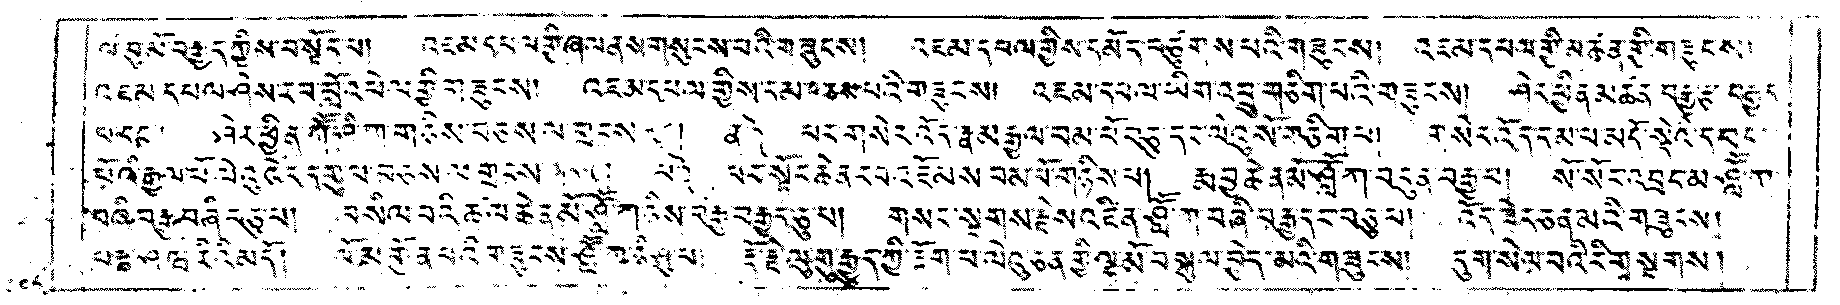ལ་བུ་མོ་བརྒྱད་ཀྱིས་བསྟོད་པ། འཇམ་དཔལ་གྱི་ཞལ་ནས་གསུངས་པའི་གཟུངས། འཇམ་དཔལ་གྱིས་དམོད་བཙུགས་པའི་གཟུངས། འཇམ་དཔལ་གྱི་མཚན་གྱི་གཟུངས།
འཇམ་དཔལ་ཤེས་རབ་བློ་འཕེལ་གྱི་གཟུངས། འཇམ་དཔལ་གྱིས་དམ་བཅས་པའི་གཟུངས། འཇམ་དཔལ་ཡིག་འབྲུ་གཅིག་པའི་གཟུངས། ཤེར་ཕྱིན་མཚན་བརྒྱ་རྩ་བརྒྱད་
པ་དང་། ཤེར་ཕྱིན་ཀཽ་ཤི་ཀ་གཉིས་བཅས་ལ་གྲངས ༥༡། ན྄་པར་གསེར་འོད་རྣམ་རྒྱལ་བམ་པོ་བཅུ་དང་ལེའུ་སོ་གཅིག་པ། གསེར་འོད་དམ་པ་མདོ་སྡེའི་དབང་
པོའི་རྒྱལ་པོ་ལེའུ་ཉེར་དགུ་པ་བཅས་ལ་གྲངས ༣༨༥། པ྄་པར་སྟོང་ཆེན་རབ་འཇོམས་བམ་པོ་གཉིས་པ། རྨ་བྱ་ཆེན་མོ་ཤླཽ་ཀ་བདུན་བརྒྱ་པ། སོ་སོར་འབྲང་མ་ཤླཽ་ཀ་
བཞི་བརྒྱ་བཞི་བཅུ་པ། བསིལ་བའི་ཚལ་ཆེན་མོ་ཤླཽ་ཀ་ཉིས་བརྒྱ་བརྒྱད་ཅུ་པ། གསང་སྔགས་རྗེས་འཛིན་ཤླཽ་ཀ་བཞི་བརྒྱ་དང་བཅུ་པ། འོད་ཟེར་ཅན་མའི་གཟུངས།
པརྞ་ཤ་ཝ་རིའི་མདོ། ལོ་མ་གྱོན་པའི་གཟུངས་ཤླཽ་ཀ་ཉི་ཤུ་པ། རྡོ་རྗེ་ལུ་གུ་རྒྱུད་ཀྱི་རྟོག་པ་ལེའུ་ཅན་གྱི་ལྷ་མོ་བསྐུལ་བྱེད་མའི་གཟུངས། དུག་སེལ་བའི་རིགས་སྔགས།